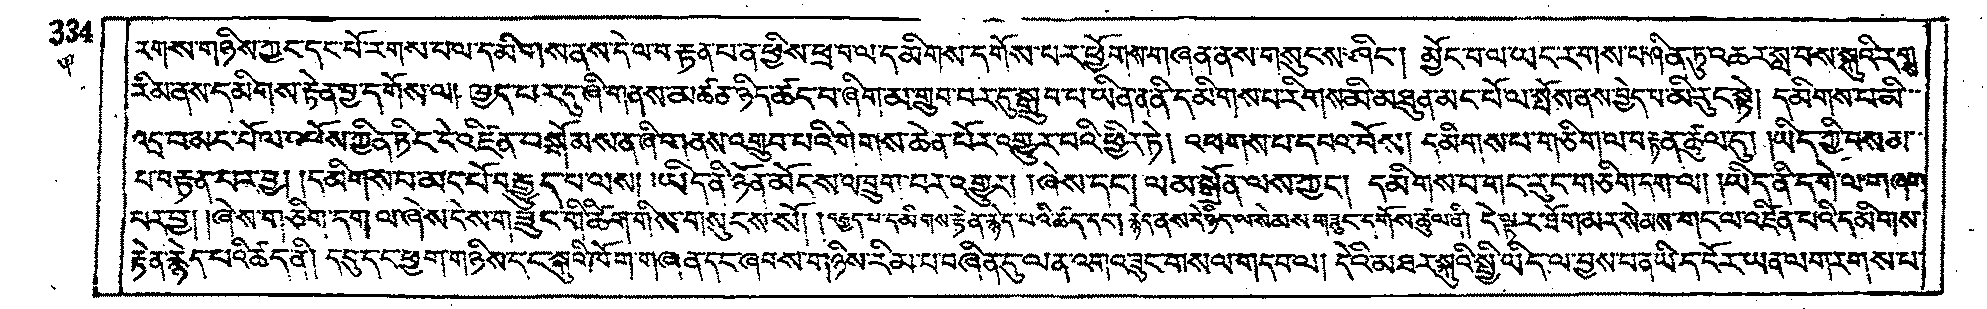རགས་གཉིས་ཀྱང་དང་པོ་རགས་པ་ལ་དམིགས་ནས་དེ་ལ་བརྟན་པ་ན་ཕྱིས་ཕྲ་བ་ལ་དམིགས་དགོས་པར་ཕྱོགས་གཞན་ནས་གསུངས་ཤིང་། མྱོང་བ་ལ་ཡང་རགས་པ་ཤིན་ཏུ་འཆར་སླ་བས་སྐུའི་རགས་
རིམ་ནས་དམིགས་རྟེན་བྱ་དགོས་ལ། ཁྱད་པར་དུ་ཞི་གནས་མཚན་ཉིད་ཚང་བ་ཞིག་མ་གྲུབ་པར་དུ་སྒྲུབ་པ་ཡིན་ན་ནི་དམིགས་པ་རིགས་མི་མཐུན་མང་པོ་ལ་སྦོས་ནས་བྱེད་པ་མི་རུང་སྟེ། དམིགས་པ་མི་
འདྲ་བ་མང་པོ་ལ་འཕོས་ཀྱིན་ཏིང་ངེ་འཛིན་བསྒོམས་ན་ཞི་གནས་འགྲུབ་པའི་གེགས་ཆེན་པོར་འགྱུར་བའི་ཕྱིར་ཏེ། འཕགས་པ་དཔའ་བོས། དམིགས་པ་གཅིག་ལ་བརྟན་ཚུལ་དུ། །ཡིད་ཀྱི་བསམ་
པ་བརྟན་པར་བྱ། །དམིགས་པ་མང་པོ་བརྒྱུད་པ་ལས། །ཡིད་ནི་ཉོན་མོངས་འཁྲུག་པར་འགྱུར། །ཞེས་དང་། ལམ་སྒྲོན་ལས་ཀྱང་། དམིགས་པ་གང་རུང་གཅིག་དག་ལ། །ཡིད་ནི་དགེ་ལ་གཞག་
པར་བྱ། །ཞེས་གཅིག་དག་ལ་ཞེས་དེས་གཟུང་གི་ཚིག་གིས་གསུངས་སོ། །བརྒྱད་པ་དམིགས་རྟེན་རྙེད་པའི་ཚད་དང་། རྙེད་ནས་དེ་ཉིད་ལ་སེམས་གཟུང་དགོས་ཚུལ་ནི།  དེ་ལྟར་ཐོག་མར་སེམས་གང་ལ་འཛིན་པའི་དམིགས་
རྟེན་རྙེད་པའི་ཚད་ནི། དབུ་དང་ཕྱག་གཉིས་དང་སྐུའི་ཁོ་ག་གཞན་དང་ཞབས་གཉིས་རིམ་པ་བཞིན་དུ་ལན་འགའ་ཟུང་གསལ་གདབ་ལ། དེའི་མཐར་སྐུའི་སྤྱི་ཡིད་ལ་བྱས་པ་ན་ཡིད་དོར་ཡན་ལག་རགས་པ་